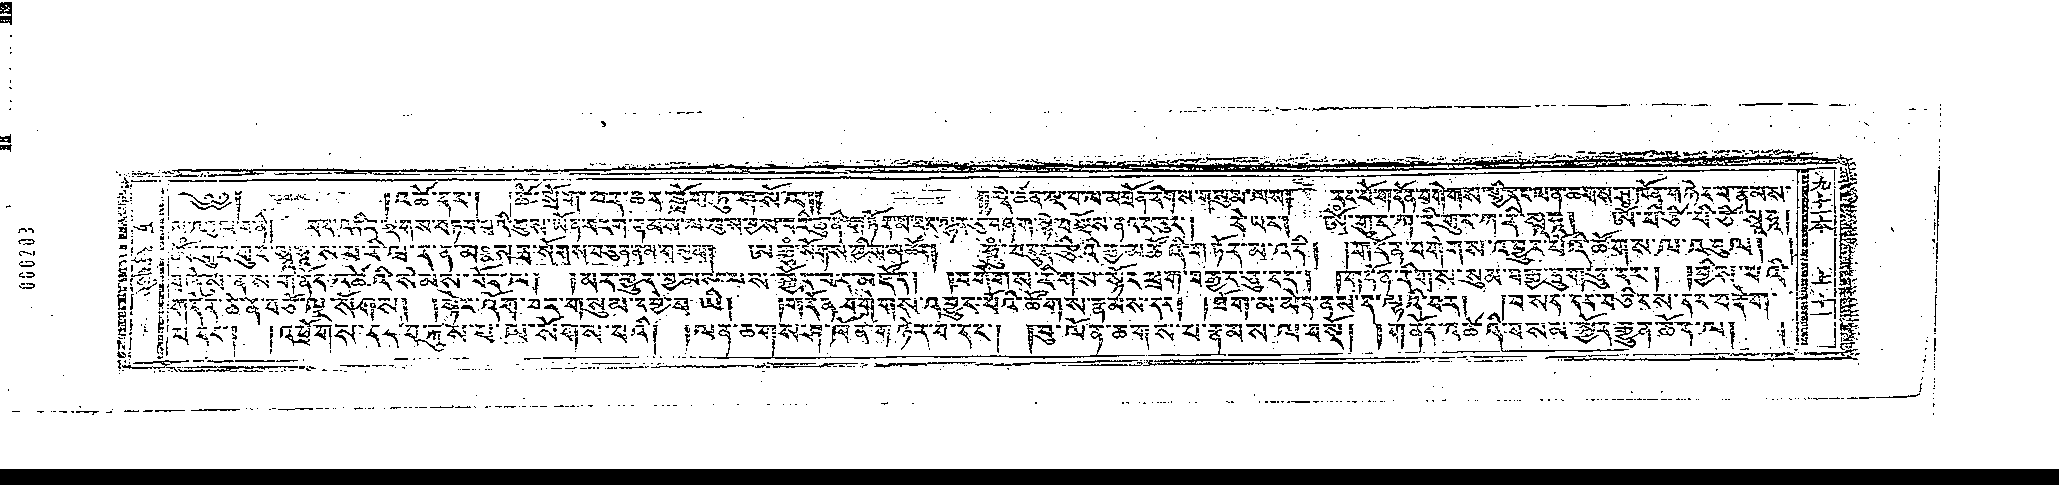༄༅། །འཚེ་དང་། །ཚེ་སྲོག་བར་ཆང་ཟློག་ཏུ་གསོལ།། །།སྡེ་ཚན་ལྔ་པ་ལ་མགྲོན་རིགས་གསུམ་ལས། དང་པོ་གདོན་བགེགས་སྤྱི་དང་ལན་ཆགས་ཤ་ཁོ་ན་གཉེར་པ་རྣམས་
ལ་འབུལ་པ་ནི། བར་འདིར་སྔགས་བཏབ་པའི་ཆུས་ཡོན་བདག་རྣམས་ལ་ཁྲུས་བྱས་པའི་ཆུ་ནི་གཏོར་མ་དང་ལྷན་དུ་བཞག་སྟེ་བསྔོས་ནའང་རུང་། དེ་ཡང་། ཨོཾ་གུད་ཀ་རི་གུང་ཀ་རི་སྭཱཧཱ། ཨོཾ་པི་ཙི་པི་ཙི་སྭཱཧཱ།
ཨོཾ་གུང་གུང་སྭཱཧཱ་ས་པ་རི་ཝ་ར་ན་མཿ་སརྦ་སོགས་བདུན་ནམ་གསུམ། ཨརྒྷཾ་སོགས་ཀྱིས་མཆོད། ཧཱུཾ་བདུད་རྩིའི་རྒྱ་མཚོའི་གཏོར་མ་འདི། །གདོན་བགེགས་འབྱུང་པོའི་ཚོགས་ལ་འབུལ། །
བཞེས་ནས་གནོད་འཚེའི་སེམས་སོར་ལ། །མར་གྱུར་བྱམས་པས་སྐྱོང་བར་མཛོད། །བགེགས་རིགས་སྟོང་ཕྲག་བརྒྱད་ཅུ་དང་། །གདོན་རིགས་སུམ་བརྒྱ་དྲུག་ཅུང་དང་། །བྱིས་པའི་
གདོན་ཆེན་བཅོ་ལྔ་སོགས། །སྟེང་འོག་བར་གསུམ་དབྱེ་བ་ཡི། །གདོན་བགེགས་འབྱུང་པོའི་ཚོགས་རྣམས་དང་། །ཐོག་མ་མེད་ནས་ད་ལྟའི་བར། །བསད་དང་བཅིངས་དང་བརྡེག་
པ་དང་། །འཕྲོགས་དང་བརྐུས་པ་ལ་སོགས་པའི། །ལན་ཆགས་ཤ་ཁོན་གཉེར་བ་དང་། །བུ་ལོན་ཆགས་པ་རྣམས་ལ་བསྔོ། །གནོད་འཚེའི་བསམ་སྦྱོར་རྒྱུན་ཆོད་ལ། །